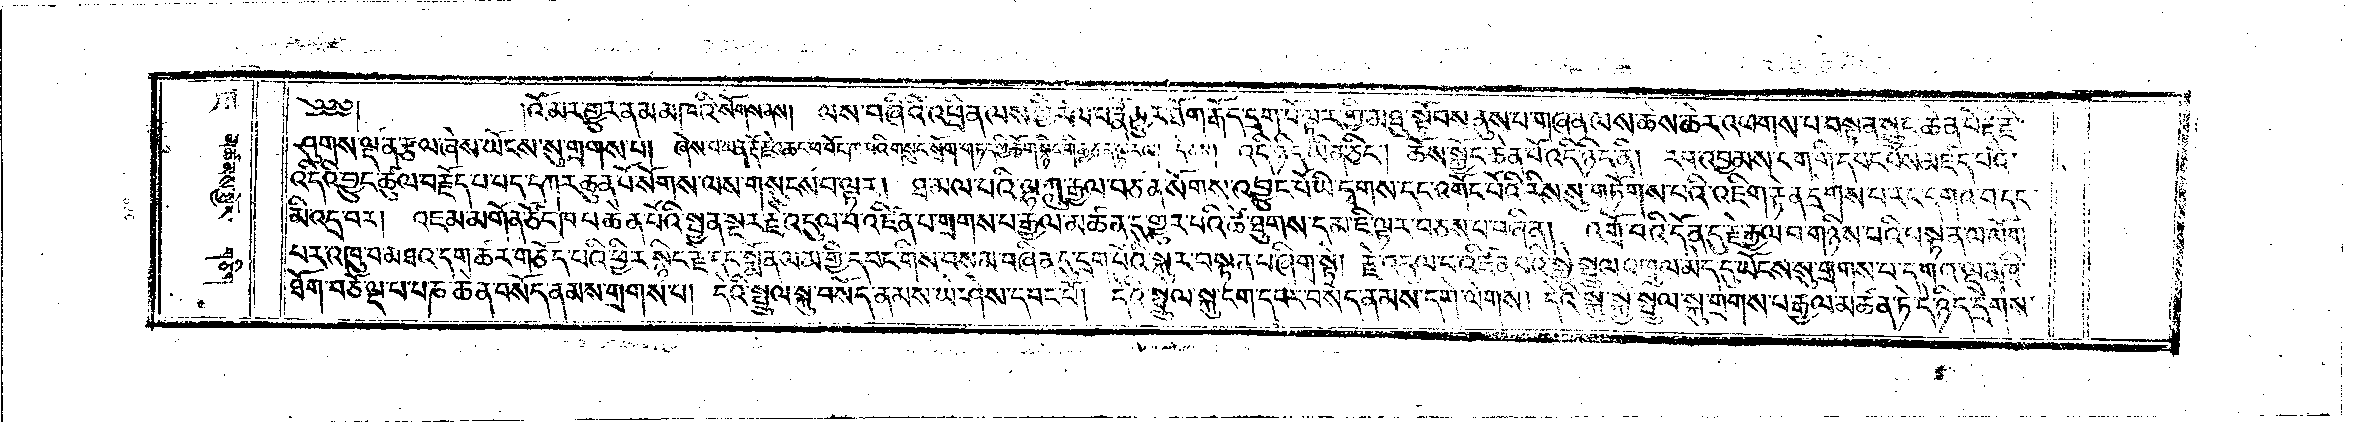༄༅༅། །འོ་མར་གྱུར་ནམ་མཁའི་སོགས་ནས།  ལས་བཞིའི་འཕྲིན་ལས་ཀྱི་རོལ་བ་རྣོ་མྱུར་ཐོག་རྒོད་དྲག་བོ་ལྟར་གྱི་མཐུ་སྟོབས་ནུས་པ་གཞན་ལས་ཆེས་ཆེར་འཕགས་པ་བསྟན་སྲུང་ཆེན་པོ་རྡོ་རྗེ་
ཤུགས་ལྡན་རྩལ་ཞེས་ཡོངས་སུ་གྲགས་པ། ཞེས་པ་ཡན་རྡོ་རྗེ་འཆང་ཕ་བོང་ཁ་བའི་གསུང་སྲོག་གཏད་ཀྱི་ཆོ་ག་སྙིང་གི་རྒྱ་ཅན་ལྟར་ལ། དེ་ནས།  འདི་ཉིད་ཡིན་ཅིང་། ཆོས་སྐྱོང་ཆེན་པོ་འདི་ཉིད་ནི། རབ་འབྱམས་ངག་གི་དབང་པོས་མཛད་པའི་
འདིའི་བྱུང་ཚུལ་བརྗོད་པ་པད་དཀར་ཆུན་པོ་སོགས་ལས་གསུངས་བ་ལྟར། ཐ་མལ་བའི་ལྷ་ཀླུ་རྒྱལ་བཙན་སོགས་འབྱུང་པོ་ཡི་དྭགས་དང་འགོང་པོའི་རིས་སུ་གཏོགས་པའི་འཇིག་རྟེན་དྲེགས་པ་རང་དགའ་བ་དང་
མི་འདྲ་བར། འཇམ་མགོན་ཙོང་ཁ་པ་ཆེན་པོའི་སྤྱན་སྔར་རྗེ་འདུལ་བ་འཛིན་པ་གྲགས་པ་རྒྱལ་མཚན་དུ་གྱུར་པའི་ཚེ་ཐུགས་དམ་ཇི་ལྟར་བཅས་པ་བཞིན། འགྲོ་བའི་དོན་དུ་རྗེ་རྒྱལ་པ་གཉིས་པའི་བསྟན་ལ་ལོག་
པར་འཁུ་བ་མཐའ་དག་ཚར་གཅོད་པའི་ཕྱིར་སྙིང་རྗེ་དང་སྨོན་ལམ་གྱི་དབང་གིས་བསམ་བཞིན་དུ་དྲག་པོའི་སྐུར་བསྟན་པ་ཞིག་སྟེ། རྗེ་འདུལ་བ་འཛིན་པའི་སྐྱེ་སྤྲུལ་འཁྲུལ་མེད་དུ་ཡོངས་སུ་གྲགས་པ་དགའ་ལྡན་ཁྲི་
ཐོག་བཅོ་ལྔ་པ་པཎ་ཆེན་བསོད་ནམས་གྲགས་པ། དེའི་སྤྲུལ་སྐུ་བསོད་ནམས་ཡེ་ཤེས་དབང་པོ། དེའི་སྤྲུལ་སྐུ་ངག་དབང་བསོད་ནམས་དགེ་ལེགས། དེའི་སྐུ་སྐྱེ་སྤྲུལ་སྐུ་གྲགས་པ་རྒྱལ་མཚན་ཏེ་དེ་ཉིད་དྲེགས་